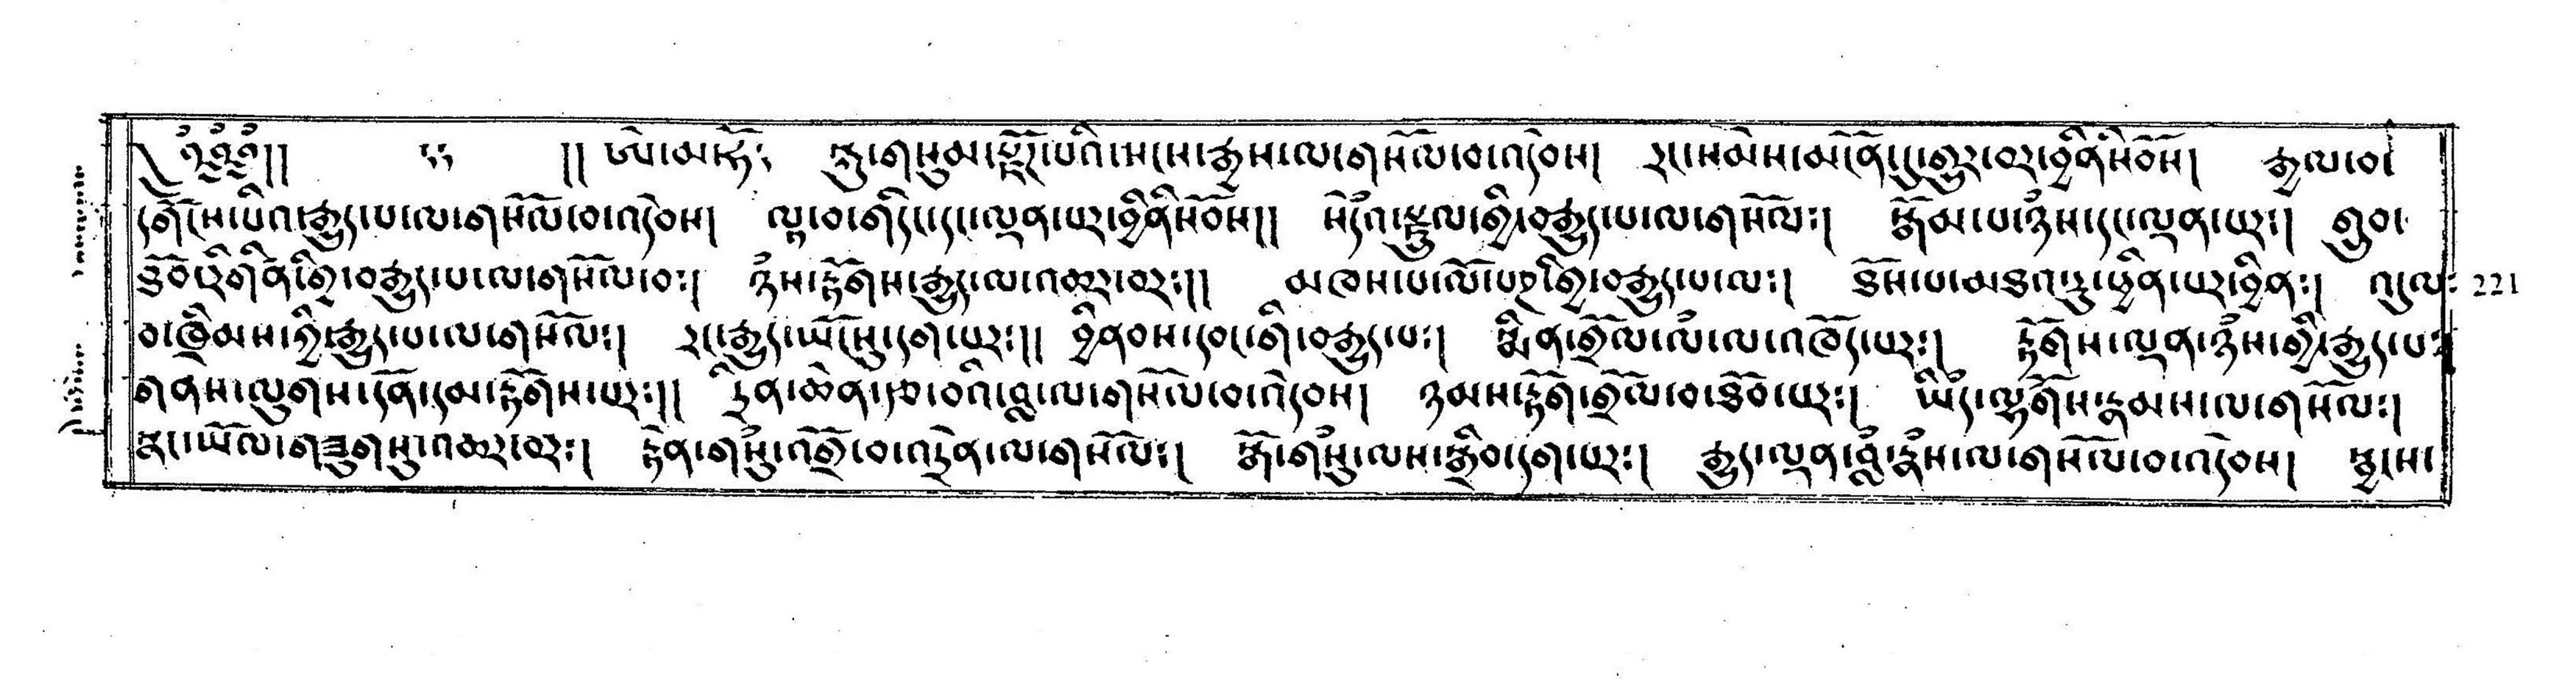༄༅༅།། །།ཨེ་མ་ཧོ། སྐུ་གསུམ་རྫོགས་པའི་སངས་རྒྱས་ལ་གསོལ་བ་འདེབས། རང་སེམས་མངོན་དུ་གྱུར་པར་བྱིན་གྱིས་རློབས། རྒྱལ་བ་
དགོངས་པའི་རྒྱུད་པ་ལ་གསོལ་བ་འདེབས། ལྟ་བ་གདིང་དང་ལྡན་པར་བྱིན་གྱིས་རློབས།། སེམས་དཔའ་རྫུ་འཕྲུལ་གྱི་རྒྱུད་པ་ལ་གསོལ༴། སྒོམ་པ་ཉམས་དང་ལྡན་པར༴། གྲུབ་
ཐོབ་རིག་འཛིན་གྱི་བརྒྱུད་པ་ལ་གསོལ་བ༴། ཉམས་རྟོགས་རྒྱུད་ལ་འཆར་བར༴།། མཁས་པ་ལོ་པཎ་གྱི་བརྒྱུད་པ་ལ༴། ཐོས་པ་མཐའ་རུ་ཕྱིན་པར་བྱིན༴། འདུལ་
བ་ཁྲིམས་ཀྱི་རྒྱུད་པ་ལ་གསོལ༴། རང་རྒྱུད་ཡོངས་སུ་དག་པར༴།། བྱིན་རླབས་དབང་གི་བརྒྱུད་པ༴། སྨིན་གྲོལ་ལམ་ལ་འཁོད་པར༴། རྟོགས་ལྡན་ཉམས་གྱི་རྒྱུད་པ༑ 
གནས་ལུགས་དོན་དམ་རྟོགས་པར༴།། དྲིན་ཆེན་རྩ་བའི་བླ་ལ་གསོལ་བ་འདེབས། ཉམས་རྟོགས་གྲོལ་བ་ཐོབ་པར༴། ཡི་དམ་ལྷ་ཚོགས་རྣམས་ལ་གསོལ༴། 
སྣང་ཡོལ་གཟུགས་སུ་འཆར་བར༴། རྟེན་གསུམ་འགྲོ་བ་འདྲེན་ལ་གསོལ༴། སྒོ་གསུམ་ལས་སྒྲིབ་དག་པར༴། རྒྱུད་ལྡན་བླ་མ་རྣམས་ལ་གསོལ་བ་འདེབས། སྦྱངས་